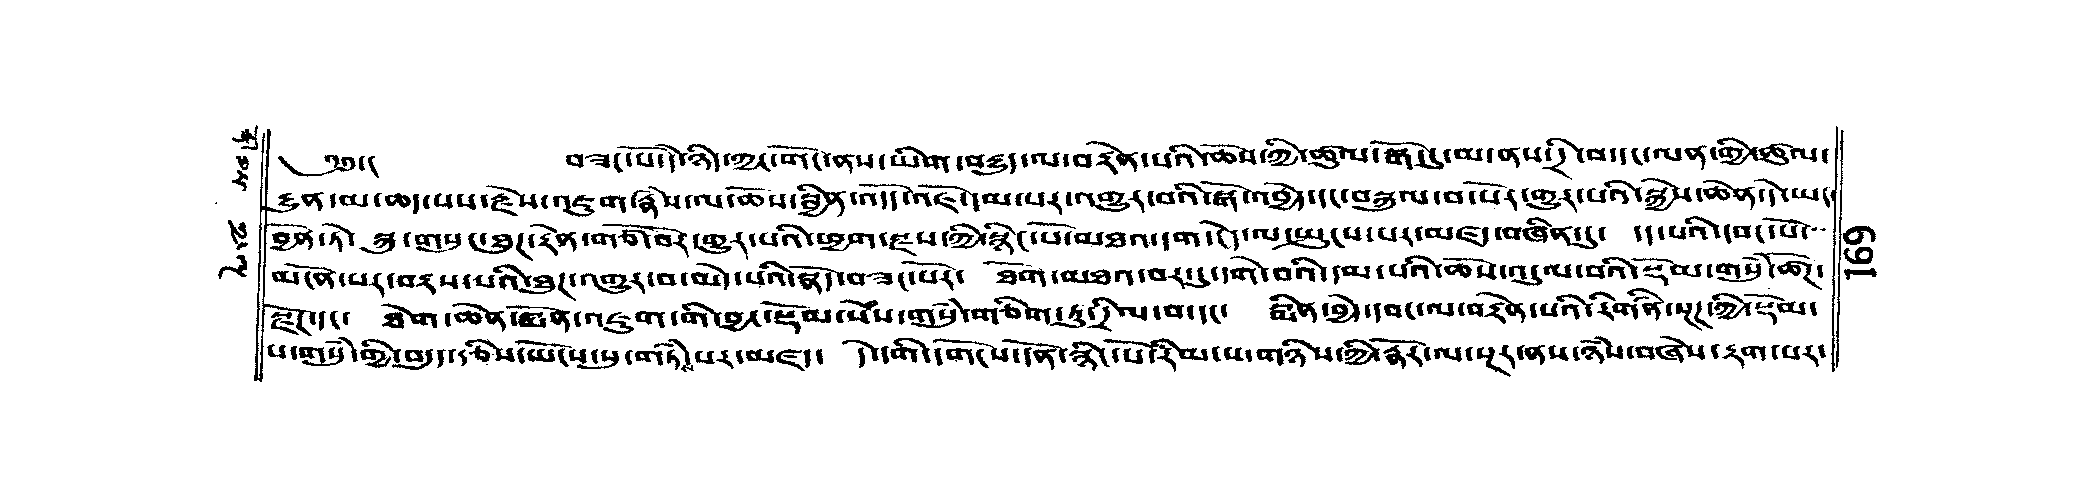བཟང་པོ་དེ་ཉིད་ཀྱང་གོང་ནས་ཡིག་བརྒྱུད་ལ་བརྟེན་པའི་ཆོས་ཀྱི་ཚུལ་སྒོ་དུ་མ་ནས་དྲི་བ་དང་ལན་གྱི་ཚུལ་
རྒྱུན་མ་ཆད་པས་རྗེས་འཇུག་རྣམས་ལ་ཆོས་སྦྱིན་འདོད་འཇོ་དམ་པར་འགྱུར་བའི་སྒོ་འབྱེད་དང་བསྐུལ་བ་པོར་གྱུར་པའི་སྐྱེས་ཆེན་དེ་ཡང་
བྱོན་ཏེ།སྐུ་གསུང་ཐུགས་རྟེན་གཙོ་བོར་གྱུར་པའི་ཕྱག་རྫས་ཀྱི་སྙིང་པོ་མཐའ་དག་ངེད་ལ་སྤུངས་པར་མཛད་བཞིན་དུ། དད་པའི་དབང་པོ་
མངོན་པར་བརྟས་པའི་ཐུགས་འགྱུར་བ་མེད་པའི་སྣོད་བཟང་པོར། ཐོག་མཐའ་བར་དུ་དགེ་བའི་དམ་པའི་ཆོས་འདུལ་བའི་སྡོམ་གསུམ་ཚོགས་
རྫོགས་དང་། ཐེག་ཆེན་སྨོན་འཇུག་གི་བྱང་སྡོམ་སེམས་གསུམ་གཅིག་ཏུ་དྲིལ་བ་དང་། སྨིན་བྱེད་དབང་ལ་བརྟེན་པའི་རིག་འཛིན་སྔགས་ཀྱི་སྡོམ་
པ་གསུམ་གྱི་བདུད་རྩིས་ཡོངས་སུ་གཏམས་པར་མཛད། དེ་དག་གི་དགོངས་དོན་སྙིང་པོ་རིམ་པ་གཉིས་ཀྱི་རྣལ་འབྱོར་ལ་སྔར་ནས་ཉམས་བཞེས་རྟག་པར་